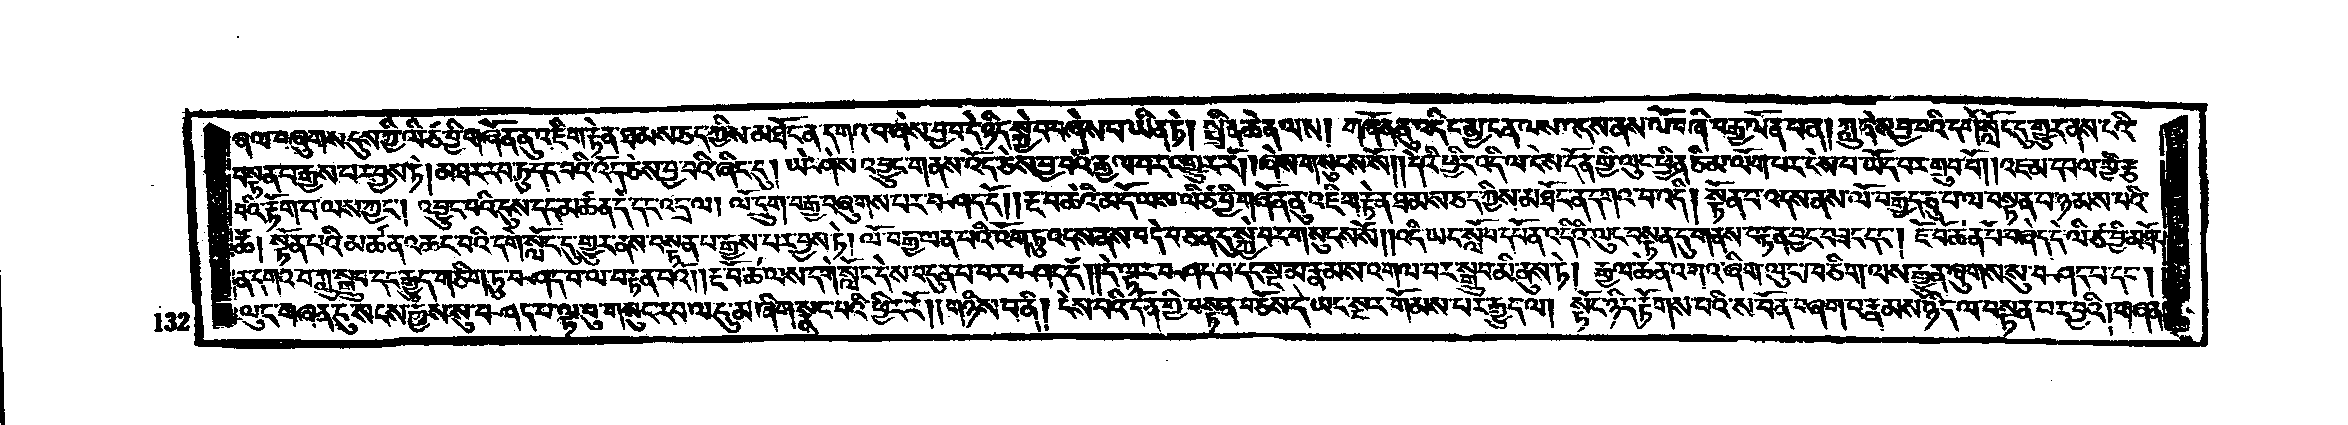ཞལ་བཞུགས་དུས་ཀྱི་ལི་ཙ་བྱི་གཞོན་ནུ་འཇིག་རྟེན་ཐམས་ཅད་ཀྱིས་མཐོང་ན་དགའ་བ་ཞེས་བྱ་བ་དེ་ཉིད་སྐྱེ་བ་བཞེས་པ་ཡིན་ཏེ། སྤྲིན་ཆེན་ལས། གཞོན་ནུ་འདི་མྱ་ངན་ལས་འདས་ནས་ལོ་བཞི་བརྒྱ་ལོན་པ་ན། ཀླུ་ཞེས་བྱ་བའི་དགེ་སློང་དུ་གྱུར་ནས་ངའི་
བསྟན་པ་རྒྱས་པར་བྱས་ཏེ། མཐར་རབ་ཏུ་དང་བའི་འོད་ཅེས་བྱ་བའི་ཞིང་དུ། ཡེ་ཤེས་འབྱུང་གནས་འོད་ཅེས་བྱ་བའི་རྒྱལ་བར་འགྱུར་རོ། །ཞེས་གསུངས་སོ། །དེའི་ཕྱིར་འདི་ལ་ངེས་དོན་གྱི་ལུང་ཕྱིན་ཅི་མ་ལོག་པར་ངེས་པ་ཡོད་པར་གྲུབ་བོ། །འཇམ་དཔལ་གྱི་རྩ་
བའི་རྟོག་པ་ལས་ཀྱང་། འབྱུང་བའི་དུས་དད་མཚན་དེ་དང་འདྲ་ལ། ལོ་དྲུག་བརྒྱ་བཞུགས་པར་བཤད་དོ། །རྔ་བོ་ཆེའི་མདོ་ལས་ལི་ཙ་བྱི་གཞོན་ནུ་འཇིག་རྟེན་ཐམས་ཅད་ཀྱིས་མཐོང་ན་དགའ་བ་འདི། སྟོན་པ་འདས་ནས་ལོ་བརྒྱད་ཅུ་པ་ལ་བསྟན་པ་ཉམས་པའི་
ཚེ། སྟོན་པའི་མཚན་འཆང་བའི་དགེ་སློང་དུ་གྱུར་ནས་བསྟན་པ་རྒྱས་པར་བྱས་ཏེ། ལོ་བརྒྱ་ལན་པའི་འོག་ཏུ་འདས་ནས་བདེ་བ་ཅན་དུ་སྐྱེ་བར་གསུངས་སོ། །འདི་ཡང་སློབ་དཔོན་འདིའི་ལུང་བསྟན་དུ་གནས་བརྟན་བྱང་བཟང་དང་། ཇོ་བོ་ཆེན་པོ་བཞེད་དེ་ལི་ཙ་བྱི་མཐོང་
ན་དགའ་བ་ཀླུ་སྒྲུབ་དང་རྒྱུད་གཅིག་ཏུ་བཤད་བ་ལ་བརྟན་པའོ། །རྔ་བོ་ཆེ་ལས་དགེ་སློང་དེ་ས་བདུན་པ་བར་བཤད་དོ། །དེ་ལྟར་བཤད་པ་དང་སྔ་མ་རྣམས་འགལ་བར་སྒྲུབ་མི་ནུས་ཏེ། རྒྱལ་ཆེན་འགའ་ཞིག་ལུང་ཁ་ཅིག་ལས་རྒྱུན་ཞུགས་སུ་བཤད་པ་དང་།
ལུང་གཞན་དུ་སངས་རྒྱས་སུ་བཤད་པ་ལྟ་བུ་གསུང་རབ་ལ་དུ་མ་ཞིག་སྣང་པའི་ཕྱིར་རོ། །གཉིས་པ་ནི། ངེས་བའི་དོན་གྱི་བསྟན་བཅོས་དེ་ཡང་སྔར་གོམས་པར་རྒྱུད་ལ། སྟོང་ཉིད་རྟོགས་པའི་ས་བོན་བཞག་བ་རྣམས་ཉིད་ལ་བསྟན་པར་བྱའི། གཞན་